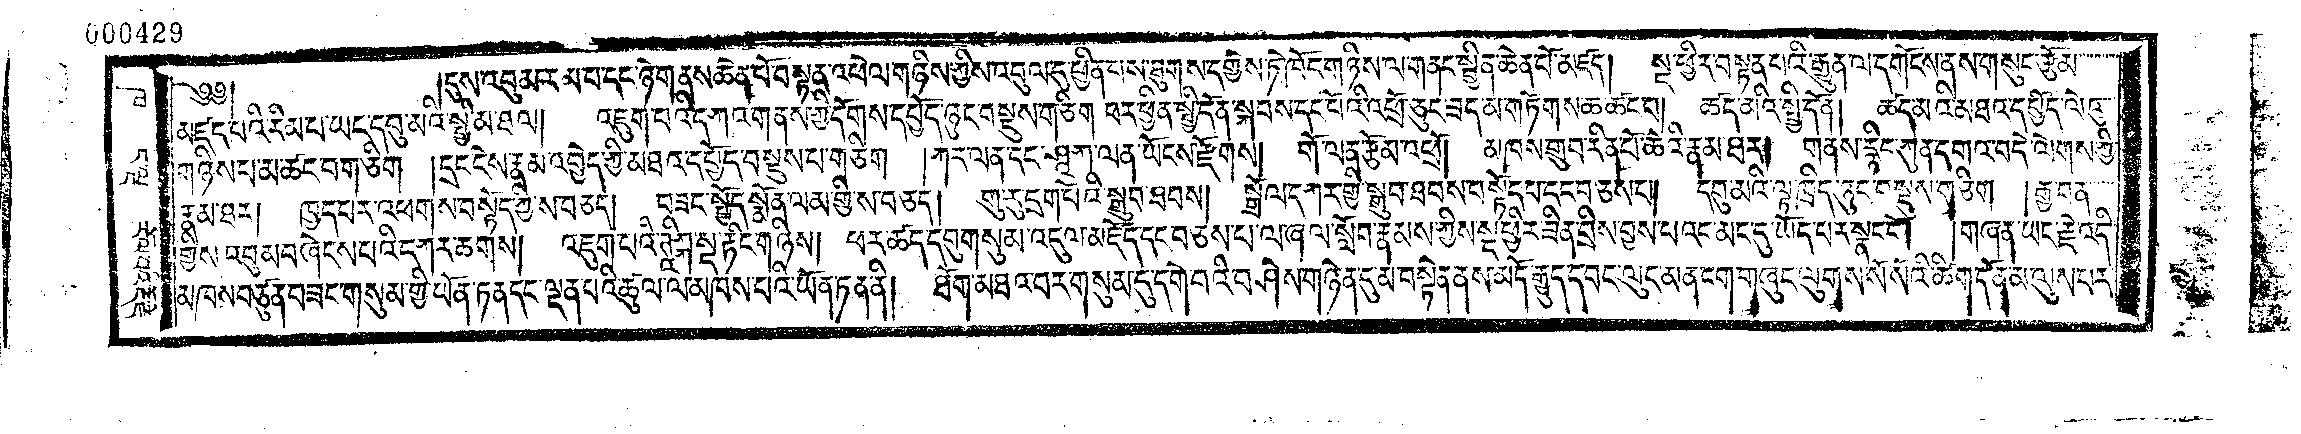༄༅། །དུས་འབུམ་རམ་པ་དང་ཉེ་གནས་ཆེན་པོ་བསྟན་འཕེལ་གཉིས་ཀྱིས་འབུལ་དུ་ཕྱིན་པས་ཐུགས་དགྱེས་ཏེ་ཁོང་གཉིས་ལ་གནང་སྦྱིན་ཆེན་པོ་མཛད། སྔ་ཕྱིར་བསྟན་པའི་རྒྱུན་ལ་དགོངས་ནས་གསུང་རྩོམ་
མཛད་པའི་རིམ་པ་ཡང་དབུ་མའི་སྤྱི་མ་ཐལ། འཇུག་པའི་དཀའ་གནས་ཀྱི་དོགས་དབྱོད་ཉུང་བསྡུས་གཅིག་ཕར་ཕྱིན་སྤྱི་དོན་སྐབས་དང་པོའི་འཕྲོ་ཅུང་ཟད་མ་གཏོགས་ཆ་ཚང་བ། ཚད་མའི་སྤྱི་དོན། ཚད་མའི་མཐའ་དཔྱོད་ལེའུ་
གཉིས་པ་མ་ཚད་པ་གཅིག །དྲང་ངེས་རྣམ་འབྱེད་ཀྱི་མཐའ་དཔྱོད་བསྡུས་པ་གཅིག །ཀར་ལན་དང་ཤཱཀ་ལན་ཡོངས་རྫོགས། གོ་ལན་རྩོམ་འཕྲོ། མཁས་གྲུབ་རིན་པོ་ཆེའི་རྣམ་ཐར། གནས་རྙིང་ཀུན་དགའ་བདེ་ལེགས་ཀྱི་
རྣམ་ཐར། ཁྱད་པར་འཕགས་བསྟོད་ཀྱི་ས་བཅད། བཟང་སྤྱོད་སྨོན་ལམ་གྱིས་བཅད། གུ་རུ་དྲག་པོའི་སྒྲུབ་ཐབས། སྒྲོལ་དཀར་གྱི་སྒྲུབ་ཐབས་བསྟོད་པ་དང་བཅས་པ། དབུ་མའི་ལྟ་ཁྲིད་ཉུང་བསྡུས་གཅིག །རྒྱ་བན་
གྱིས་འབུམ་བཞེངས་པའི་དཀར་ཆགས། འཇུག་པའི་ཊཱིཀྐ་སྔ་རྟིང་གཉིས། ཕར་ཚད་དབུ་གསུམ་འདུལ་མཛོད་དང་བཅས་པ་ལ་ཞལ་སློབ་རྣམས་ཀྱིས་སྔ་ཕྱིར་ཟིན་བྲིས་བྱས་པའང་མང་དུ་ཡོད་པར་སྣང་ངོ། །གཞན་ཡང་རྗེ་འདི་
མཁས་བཙུན་བཟང་གསུམ་གྱི་ཡོན་ཏན་དང་ལྡན་པའི་ཚུལ་ལ་མཁས་པའི་ཡོན་ཏན་ནི། ཐོག་མཐའ་བར་གསུམ་དུ་དགེ་བའི་བཤེས་གཉེན་དུ་མ་བསྟེན་ནས་མདོ་རྒྱུད་དབང་ལུང་མན་ངག་གཞུང་ལུགས་སོ་སོའི་ཚིག་དོན་མ་ལུས་བར་